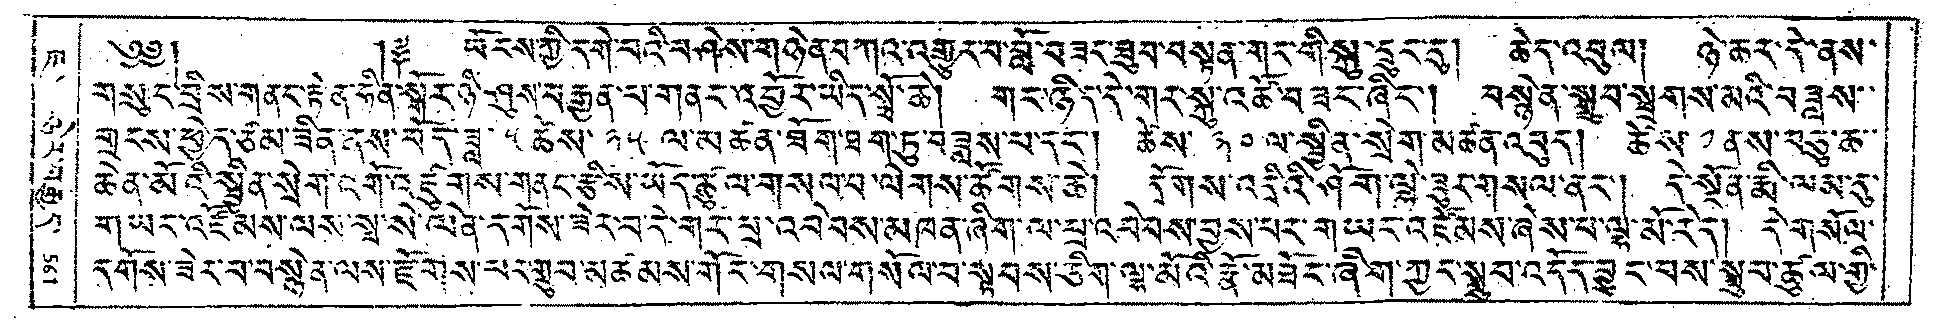༄༅། ། ༈ ཡོངས་ཀྱི་དགེ་བའི་བཤེས་གཉེན་བཀའ་འགྱུར་བ་བློ་བཟང་ཐུབ་བསྟན་གང་གི་སྐུ་དྲུང་དུ། ཆེད་འབུལ། ཉེ་ཆར་དེ་ནས་
གསུང་བྲིས་གནང་རྟེན་ཧིན་སྒོར་ཉི་ཤུས་བརྒྱན་པ་གནང་འབྱོར་ཡིད་སྤྲོ་ཆེ། གང་ཉིད་དེ་གར་སྐུ་འཚོ་བཟང་ཞིང་། བསྙེན་སྒྲུབ་སྦྲགས་མའི་བཟླས་
གྲངས་ཕྱེད་ཙམ་ཟིན་ནས་བོད་ཟླ ༥་ཚེས ༢༥་ལ་མཚན་ཐོག་ཐག་ཏུ་བཟླས་པ་དང་། ཚེས ༣༠་ལ་སྦྱིན་སྲེག་མཚན་འབུད། ཚེས ༡་ནས་བཅུ་ཆ་
ཆེན་མོའི་སྦྱིན་སྲེག་འགོ་འཛུགས་གནང་རྩིས་ཡོད་ཚུལ་གསལ་བ་ལེགས་ཚོགས་ཆེ། དོགས་འདྲིའི་ཤོག་ལྷེ་ཟུར་གསལ་ནང་། དེ་སྔོན་རྨི་ལམ་དུ་
གཡང་འཛོམས་ལས་སྤ་སེ་ལེན་དགོས་ཟེར་བ་དེ་གར་པྲ་འབེབས་མཁན་ཞིག་ལ་པྲ་འབེབས་བྱས་པར་གཡང་འཛོམས་ཞེས་པ་ལྷ་མོ་རེད། དེ་གསོལ་
དགོས་ཟེར་བ་བསྙེན་ལས་རྫོགས་པར་གྲུབ་མཚམས་གོང་གསལ་གསོལ་བ་སྟབས་ཅིག་ལྷ་མོའི་རྣོ་མཐོང་ཞིག་ཀྱང་སྒྲུབ་འདོད་བྱུང་བས་སྒྲུབ་ཚུལ་གྱི་